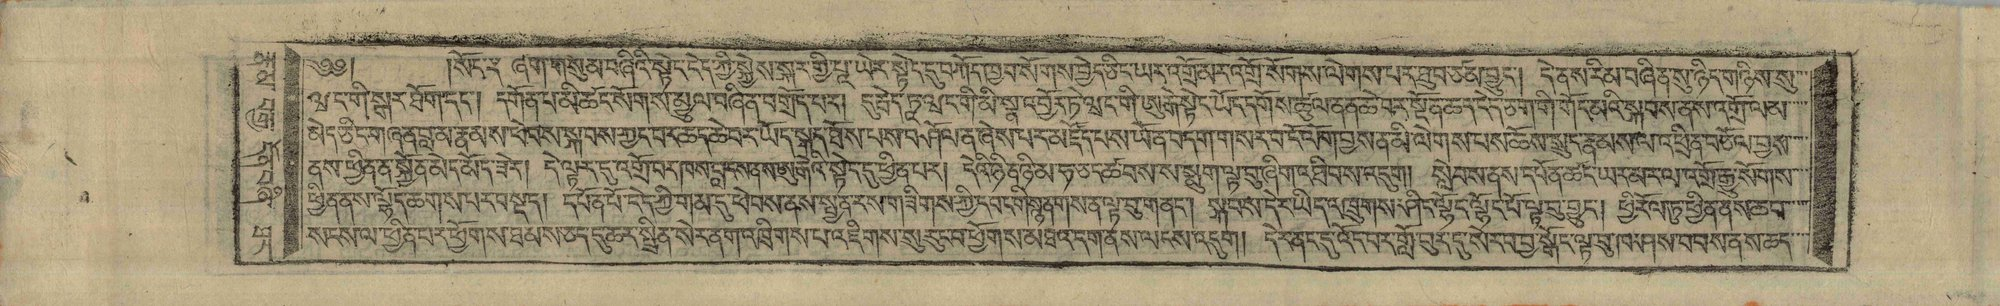༄༅། །སོང་། ཞག་གསུམ་བཞིའི་སྟེང་ངེད་ཀྱི་སྐྱེས་སྐར་གྱི་པཱ་ཡེར་སྟེང་དུ་བཀོད་ཁྱབ་སོགས་བྱེད་ཅིང་ཡར་འགྲོ་མར་འགྲོ་སོགས་ལེགས་པར་ཐུབ་ཙམ་བྱུང་། དེ་ནས་རིམ་བཞིན་སུ་ཉིད་གཉིས་སུ་
ཝང་གི་སྒར་ཐོག་དང་། དགོན་པ་མི་ཚང་སོགས་མྱུལ་བཞིན་བགྲོད་པར། དུ་རྦེད་ཏཱ་ཝང་གི་མི་སྣ་འབྱོར་ཏེ་ཝང་གི་ཨུརྒེ་སྟེང་ཡོང་དགོས་ཚུལ་ནན་ཆེ་བར་སྔོན་ཆད་ངེད་ཅག་གི་གོང་མའི་སྐབས་ནས་འགྲོ་ལམ་
མེད་ཅིང་གཞན་བླ་མ་རྣམས་ཕེབས་སྐབས་ཀྱང་བར་ཆད་ཆེ་བར་ཡོད་སྐད་ཐོས་པས་བཤོལ་ན་ཞེས་པར་མཛོད་པས་ཡོན་བདག་གསར་བ་ངོ་ལོག་བྱས་ན་མི་ལེགས་པས་ཆོས་སྲུང་རྣམས་ལ་འཕྲིན་བཅོལ་བྱས་
ནས་ཕྱིན་ན་སྐྱོན་མེད་མོད་ཟེར། དེ་ལྟར་དུ་འགྲོ་བར་ཁས་བླངས་ནས་ཨུརྒེའི་སྟེང་དུ་ཕྱིན་པར། དེའི་ཉིན་ཉི་མ་ཧ་ཅང་ཚ་བས་ས་སྨུག་ལྟ་བུ་ཞིག་འཐིབས་འདུག །སླེབས་ནས་དཔོན་ཚང་ཡར་མར་ལ་འགྲོ་རྒྱུ་སོགས་
ཕྱིན་ནས་ལྷོད་ཆགས་པར་བསྡད། དཔོན་པོ་ངེད་ཀྱི་གམ་དུ་ཕེབས་ནས་སྤྱན་རས་གཟིགས་ཀྱི་དབང་གི་སྙན་གསན་ལྟ་བུ་གནང་། སྐབས་དེར་ཡིད་འཁྲུགས་ཤིང་ལྷོད་ལྷོད་པོ་ལྟ་བུ་བྱུང་། ཕྱི་རོལ་ཏུ་ཕྱིན་ནས་ཆབ་
སངས་ལ་ཕྱིན་པར་ཕྱོགས་ཐམས་ཅད་དུ་ཆར་སྤྲིན་སེར་ནག་འཁྲིགས་པ་འཇིགས་སུ་རུང་བ་ཕྱོགས་མཐའ་དག་ནས་ལངས་འདུག །དེར་ནང་དུ་འོང་བར་གློ་བུར་དུ་སེར་བ་བྱ་སྒོང་ལྟ་བུ་ཁ་ཤས་བབས་ནས་ཆད་